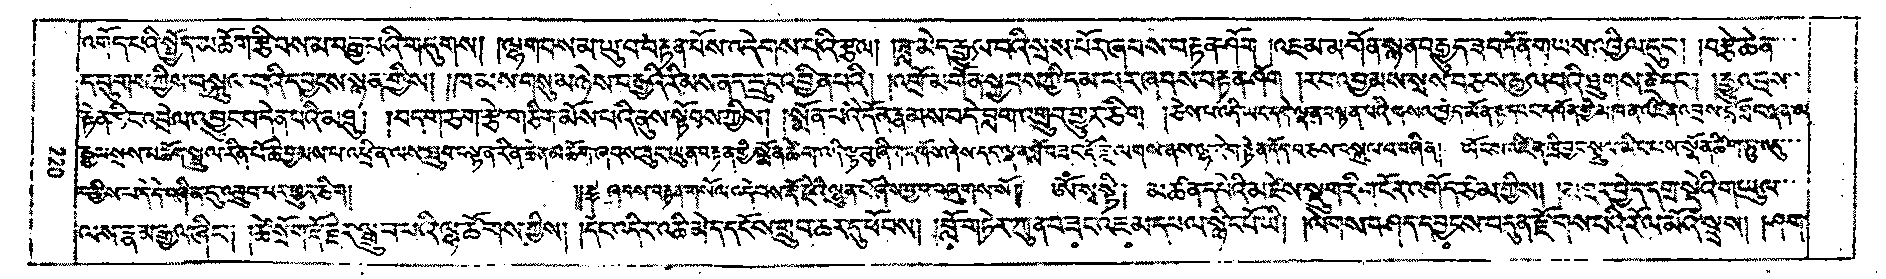འགོད་པའི་སྤྱོད་མཆོག་རྩི་བསམ་བརྒྱ་པའི་གདུགས། །ལྷག་བསམ་ཡུ་བ་བརྟན་པོས་འདེགས་པའི་རྩལ། །ཟླ་མེད་རྒྱལ་བའི་སྲས་པོར་ཞབས་བརྟན་ཤོག །འཇམ་མགོན་སྙན་བརྒྱུད་ཟབ་དོན་གཡས་འཁྱིལ་དུང་། །བརྩེ་ཆེན་
དབུགས་ཀྱིས་བསྐུལ་བའི་དབྱངས་སྙན་གྱིས། །ཁམས་གསུམ་ཉེས་བརྒྱའི་རིམས་ནད་དྲུང་འབྱིན་པའི། །འགྲོ་མགོན་སྐྱབས་ཀྱི་དམ་པར་ཞབས་བརྟན་ཤོག །རབ་འབྱམས་སྲས་བཅས་རྒྱལ་བའི་ཐུགས་རྗེ་དང་། །རྒྱུ་འབྲས་
རྟེན་ཅིང་འབྲེལ་འབྱུང་བདེན་པའི་མཐུ། །བདག་ཅག་རྩེ་གཅིག་མོས་པའི་ནུས་སྟོབས་ཀྱིས། །སྨོན་པའི་དོན་རྣམས་བདེ་བླག་འགྲུབ་གྱུར་ཅིག །ཅེས་པ་འདི་ཡང་དགེ་ལྡན་བསྟན་པའི་གསལ་བྱེད་མོན་རྟ་དབང་དགོན་གྱི་མཁན་འཛིན་འབྲས་བློ་གླིང་ལྡན་མ་
རྒྱལ་སྲས་མཆོག་སྤྲུལ་རིན་པོ་ཆེ་བྱམས་པ་འཕྲིན་ལས་ཐུབ་བསྟན་རིན་ཆེན་མཆོག་ཞབས་ཟུང་ཡུན་བརྟན་གྱི་སྨོན་ཚིག་འདི་ལྟ་བུ་ཞིག་དགོས་ཞེས་དད་ལྡན་བློ་བཟང་རྡོ་རྗེ་ལགས་ནས་ལྷ་རེག་རྟེན་དོད་བཅས་བསྐུལ་བ་བཞིན། ཡོངས་འཛིན་ཁྲི་བྱང་སྤྲུལ་མིང་པས་སྨོན་ཚིག་ཏུ་འདུ་
བགྱིས་པ་དེ་དེ་བཞིན་དུ་འགྲུབ་པར་གྱུར་ཅིག ། །། ༈ ཞབས་བརྟན་གསོལ་འདེབས་རྡོ་རྗེའི་ལྷུན་པོ་ཞེས་བྱ་བ་བཞུགས་སོ། །ཨོཾ་སྭ་སྟི། མཚན་དཔེའི་མཛེས་སྡུག་རིག་ངོར་འགོད་ཙམ་གྱིས། །མཐར་བྱེད་དགྲ་སྡེའི་གཡུལ་
ལས་རྣམ་རྒྱལ་ཞིང་། །ཚེ་སྲོག་རྡོ་རྗེར་སྒྲུབ་པའི་ལྷ་ཚོགས་ཀྱིས། །དེང་འདིར་འཆི་མེད་དངོས་གྲུབ་ཆར་དུ་ཕོབས། །བློ྾་གཏེར་ཀུན་བཟང྾་འཇམ྾་དཔལ་སྙིང་པོ་ཡི། །ལེགས་བཤད་དབྱངས྾་བདུན་རྫོགས་པའི་རོལ་མོའི་སྒྲས། །ཤག་